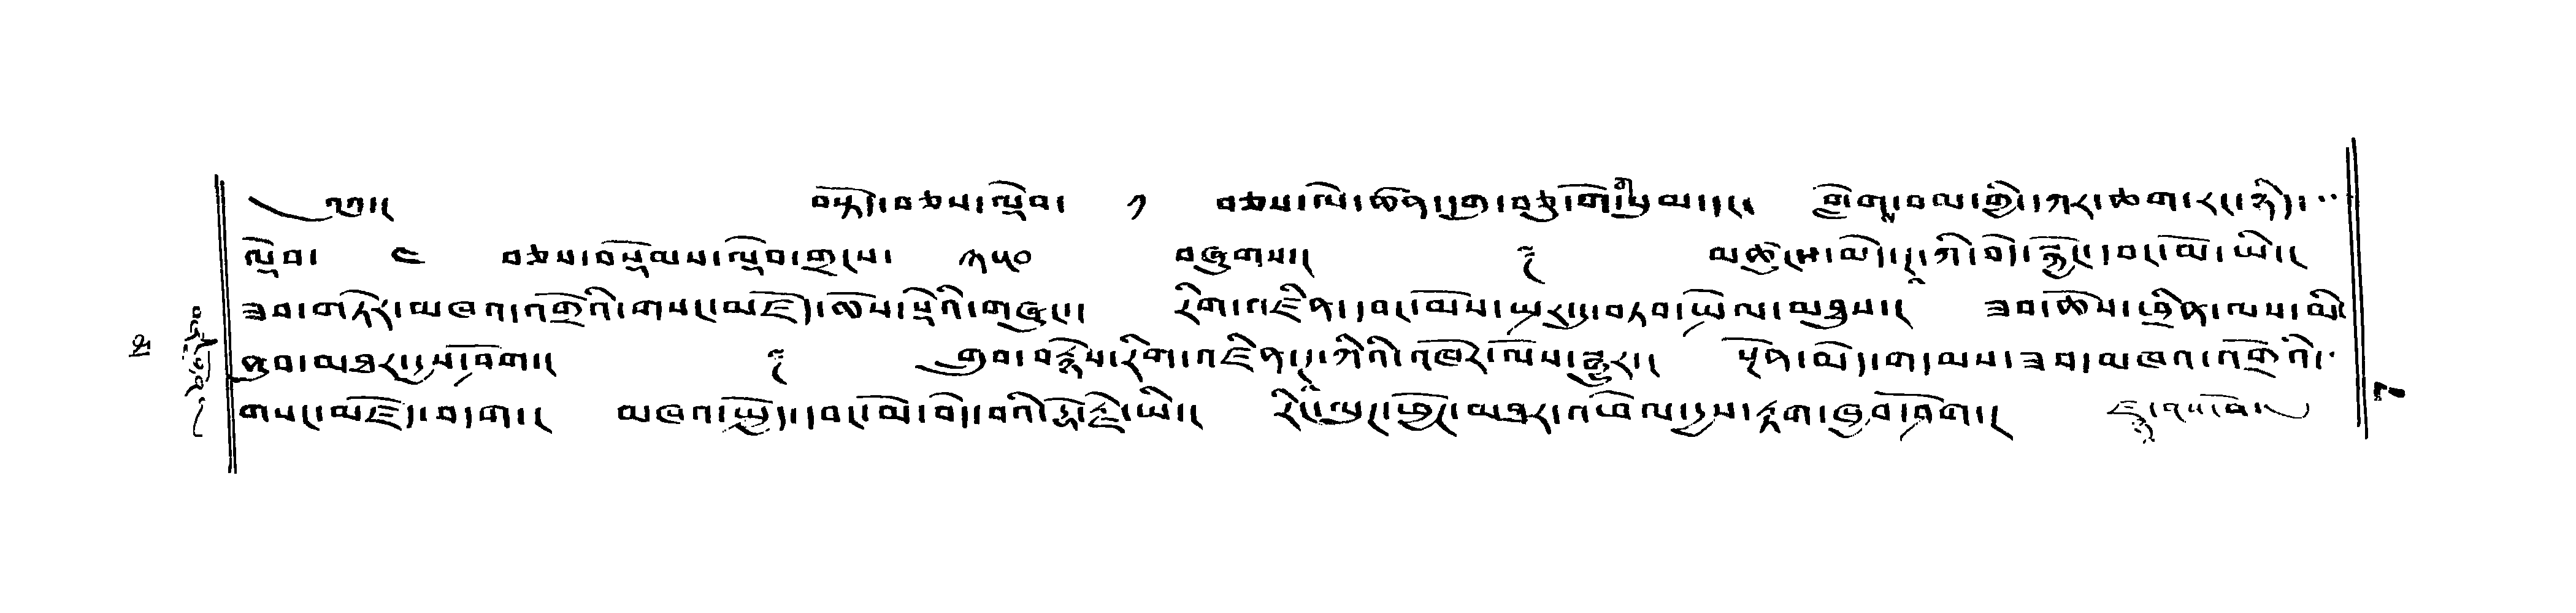བསྟོད་བཅས་ལྡེབ། བཅས་ལེ་ཚན་དགུ་བཅུ་གོ་གསུམ་དང་། གླེགས་བམ་གྱི་དཀར་ཆག་རང་ཉིད་
ལྡེབ། བཅས་བསྡོམས་ལྡེབ་གྲངས། བཞུགས། ༈ མཚུངས་མེད་ཌཱ་ཀི་བདེ་སྐྱོང་དབང་མོ་ཡི། །
ཟབ་གཏེར་མཁའ་འགྲོའི་གསང་མཛོད་ཆོས་སྡེའི་གཞུང་། །རིག་འཛིན་དབང་མོས་སྤར་དུ་བཏབ་སྤེལ་མཐུས། །ཟབ་ཆོས་ཕྲིན་ལས་མི་
ནུབ་མཐར་རྒྱས་ཤོག༈ གྲུབ་བརྙེས་རིག་འཛིན་ཌཱ་ཀིའི་འཁོར་ལོས་སྒྱུར། །སྔོན་མེད་གདམས་ཟབ་མཁའ་འགྲོའི་
གསང་མཛོད་བདག །མཁའ་སྤྱོད་དབང་མོ་བདེ་བའི་རྡོ་རྗེ་ཡི། །རིང་ལུགས་ཕྱོགས་མཐར་འཕེལ་རྒྱས་རྟག་ཁྱབ་ཤོག ཛྙཱ་ནས་སོ།།